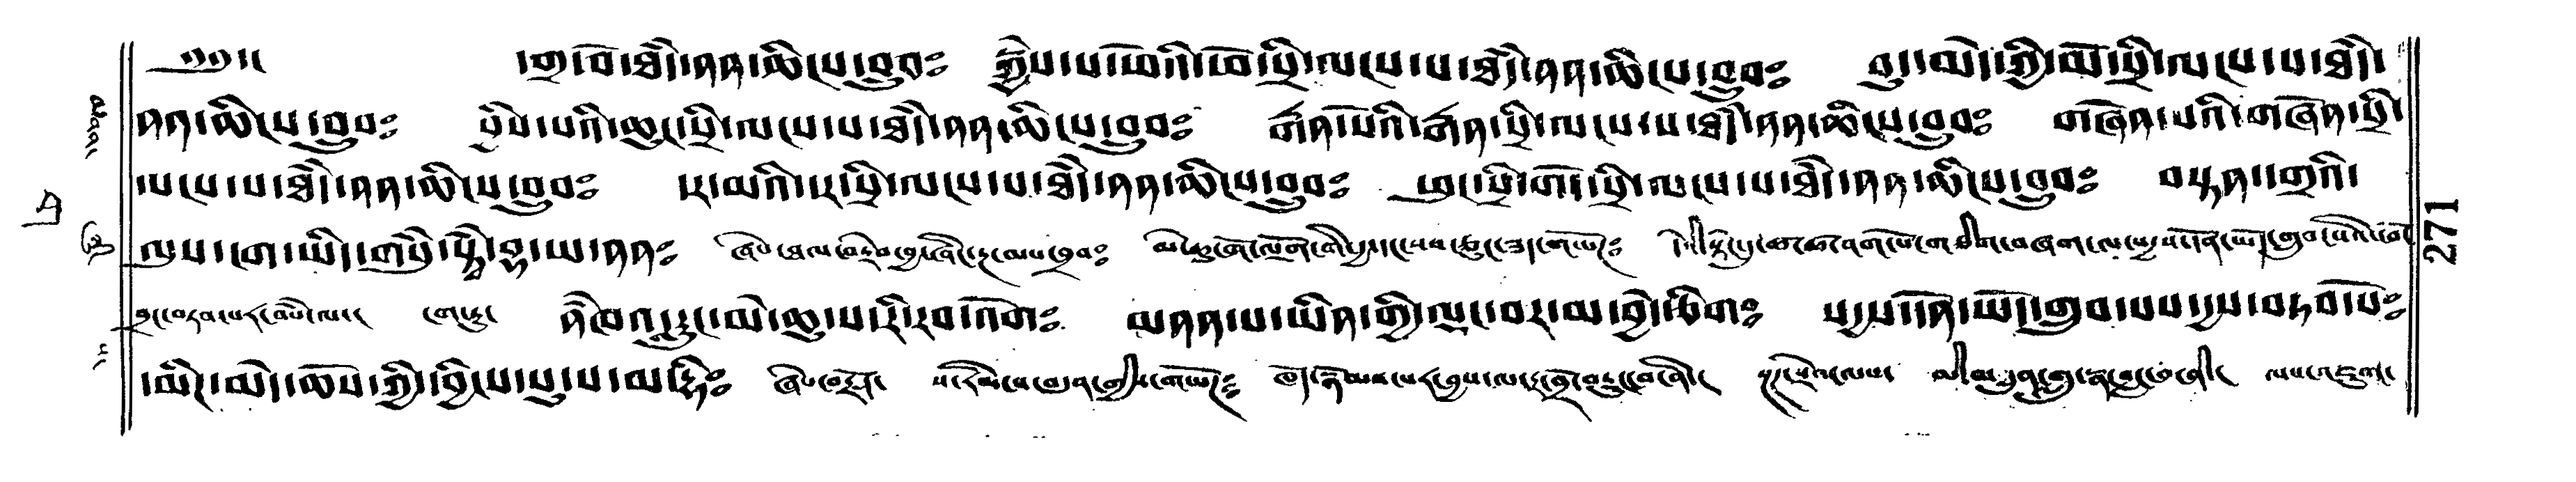དགྲ་བོ་ཐམས་ཅད་ནན་ཆིངས་བྲུབསཿ སྐྱེས་པ་ཕོའི་ཕོ་སྲི་ལངས་པ་ཐམས་ཅད་ནན་ཆིངས་བྲུབསཿ བུད་མེད་ཀྱི་མོ་སྲི་ལངས་པ་ཐམས་ཅད་
ནན་ཆིངས་བྲུབསཿ བྱིས་པའི་ཆུང་སྲི་ལངས་པ་ཐམས་ཅད་ནན་ཆིངས་བྲུབསཿ རྒན་པོའི་རྒན་སྲི་ལངས་པ་ཐམས་ཅད་ནན་ཆིངས་བྲུབསཿ གཞོན་པའི་གཞོན་སྲི་
ལངས་པ་ཐམས་ཅད་ནན་ཆིངས་བྲུབསཿ དར་མའི་དར་སྲི་ལངས་པ་ཐམས་ཅད་ནན་ཆིངས་བྲུབསཿ ཕུང་སྲི་གོད་སྲི་ལངས་པ་ཐམས་ཅད་ནན་ཆིངས་བྲུབསཿ བསྟན་དགྲའི་
ལུས་ངག་ཡིད་གསུམ་སྟྭམ་བྷ་ཡ་ནནཿ ཞེས་ཐལ་རྡེབ་བྱ་ཞིང་རྔ་མས་བྲབཿ མེ་ཆུ་གོ་ལྡོག་གི་རྒྱ་དང་སས་ཅུང་ཟད་གཡོགསཿ དེའི་སྟེང་དུ་ཚ་ཚ་ནག་པོ་གཅིག་བཞག་ལ་སངས་རྒྱས་དོན་ཡོད་གྲུབ་པའི་ཕོ་
བྲང་བཏབ་པར་བསམས་ལ། ངག་ཏུ། ནམ་མཁའ་རླུང་མེ་ཆུ་ས་རི་རབ་འོགཿ མནན་པ་ཡིན་གྱི་ལྡང་བར་མ་བྱེད་ཅིགཿ སངས་རྒྱས་དོན་ཡོད་གྲུབ་པས་རྒྱས་བཏབ་པོཿ 
དམིགས་མེད་ཆོས་ཀྱི་དབྱིངས་སུ་ས་མ་དྷིཿ ཞེས་རྗོད། ས་རིམ་པ་བདུན་གྱིས་གཡོགས། ཁོད་སྙོམས་པར་བྱས་ལ་རྟ་བྲོ་རྡུང་བ་ནི། སྔགས་སྡེ་ལས། མི་མཐུན་གླུ་སྣ་བླང་བ་ནི་ལས་འཇུག་